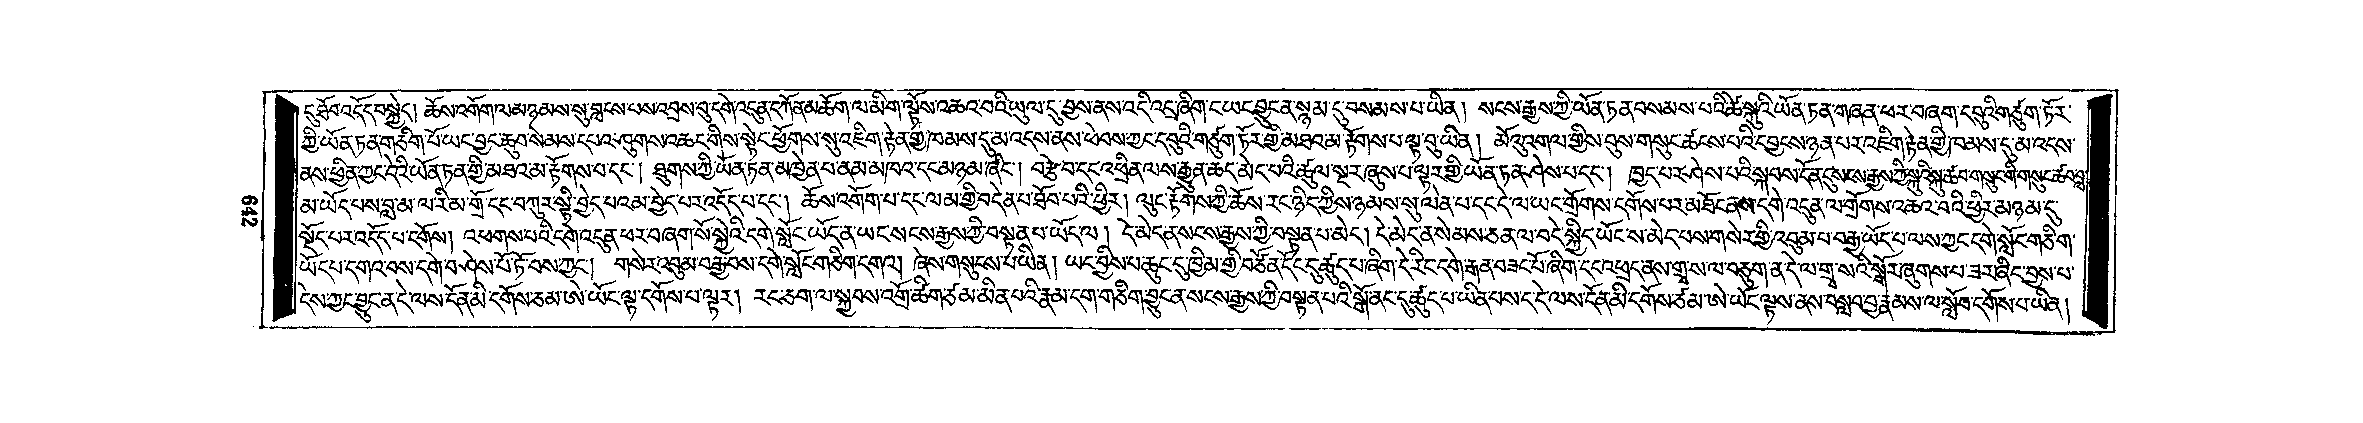དུ་ཐོབ་འདོད་བསྐྱེད། ཆོས་འགོག་ལམ་ཉམས་སུ་བླངས་པས་འབྲས་བུ་དགེ་འདུན་དཀོན་མཆོག་ལ་མིག་ལྟོས་འཆའ་བའི་ཡུལ་དུ་བྱས་ནས་འདི་འདྲ་ཞིག་ང་ཡང་བྱུང་ན་སྙམ་དུ་བསམས་པ་ཡིན། སངས་རྒྱས་ཀྱི་ཡོན་ཏན་བསམས་པའི་ཚེ་སྐུའི་ཡོན་ཏན་གཞན་ཕར་བཞག་དབུའི་གཙུག་ཏོར་
ཀྱི་ཡོན་ཏན་གཅིག་པོ་ཡང་བྱང་ཆུབ་སེམས་དཔའ་ཤུགས་འཆང་གིས་སྟེང་ཕྱོགས་སུ་འཇིག་རྟེན་གྱི་ཁམས་དུ་མ་འདས་ནས་ཕེབས་ཀྱང་དབུའི་གཙུག་ཏོར་གྱི་མཐའ་མ་རྟོགས་པ་ལྟ་བུ་ཡིན། མོའུ་འགལ་གྱིས་བུས་གསུང་ཚངས་པའི་དབྱངས་ཉན་པར་འཇིག་རྟེན་གྱི་ཁམས་དུ་མ་འདས་
ནས་ཕྱིན་ཀྱང་དེའི་ཡོན་ཏན་གྱི་མཐའ་མ་རྟོགས་པ་དང་། ཐུགས་ཀྱི་ཡོན་ཏན་མཁྱེན་པ་ནམ་མཁའ་དང་མཉམ་ཞིང་། བརྩེ་བ་དང་འཕྲིན་ལས་རྒྱུན་ཆད་མེད་པའི་ཚུལ་སྔར་ཞུས་པ་ལྟར་གྱི་ཡོན་ཏན་ཤེས་པ་དང་། ཁྱད་པར་ཤེས་པའི་སྐབས་དོན་དུ་སངས་རྒྱས་ཀྱི་སྐུའི་སྐུ་ཚབ་གསུང་གི་གསུང་ཚབ་བླ་
མ་ཡོད་པས་བླ་མ་ལ་རིམ་གྲོ་དང་བཀུར་སྟི་བྱེད་པའམ་བྱེད་པར་འདོད་པ་དང་། ཆོས་འགོག་པ་དང་ལམ་གྱི་བདེན་པ་ཐོབ་པའི་ཕྱིར། ལུང་རྟོགས་ཀྱི་ཆོས་རང་ཉིད་ཀྱིས་ཉམས་སུ་ལེན་པ་དང་དེ་ལ་ཡང་གྲོགས་དགོས་པར་མཐོང་ནས་དགེ་འདུན་ལ་གྲོགས་འཆའ་བའི་ཕྱིར་མཉམ་དུ་
སྡོད་པར་འདོད་པ་དགོས། འཕགས་པའི་དགེ་འདུན་ཕར་བཞག་སོ་སྐྱེའི་དགེ་སློང་ཡོད་ན་ཡང་སངས་རྒྱས་ཀྱི་བསྟན་པ་ཡོད་ལ། དེ་མེད་ན་སངས་རྒྱས་ཀྱི་བསྟན་པ་མེད། དེ་མེད་ན་སེམས་ཅན་ལ་བདེ་སྐྱིད་ཡོང་ས་མེད་པས་གསེར་གྱི་འབུམ་པ་བརྒྱ་ཡོད་པ་ལས་ཀྱང་དགེ་སློང་གཅིག་
ཡོད་པ་དགའ་བས་དགེ་བཤེས་པོ་ཏོ་བས་ཀྱང་། གསེར་འབུམ་བརྒྱ་བས་དགེ་སློང་གཅིག་དགའ། ཞེས་གསུངས་པ་ཡིན། ཡང་བྱིས་པ་ཆུང་ངུ་ཁྱིམ་གྱི་བཙོན་དོང་དུ་ཚུད་པ་ཞིག་དེ་རིང་དགེ་རྒན་བཟང་པོ་ཞིག་དང་འཕྲད་ནས་གྲྭ་ས་ལ་བཅུག་ན་དེ་ལ་གྲྭ་སའི་སྒོར་ཞུགས་པ་ཟར་ཞིང་བྱས་པ་
དེས་ཀྱང་བྱུང་ན་དེ་ལས་དོན་མི་དགོས་ཅམ་ཨེ་ཡོང་ལྟ་དགོས་པ་ལྟར། རང་ཅག་ལ་སྐྱབས་འགྲོ་ཚིག་ཙམ་མིན་པའི་རྣམ་དག་གཅིག་བྱུང་ན་སངས་རྒྱས་ཀྱི་བསྟན་པའི་སྒོ་ནང་དུ་ཚུད་པ་ཡིན་པས་ད་དེ་ལས་དོན་མི་དགོས་ཙམ་ཨེ་ཡོང་ལྟས་ནས་བསླབ་བྱ་རྣམས་ལ་སློབ་དགོས་པ་ཡིན།